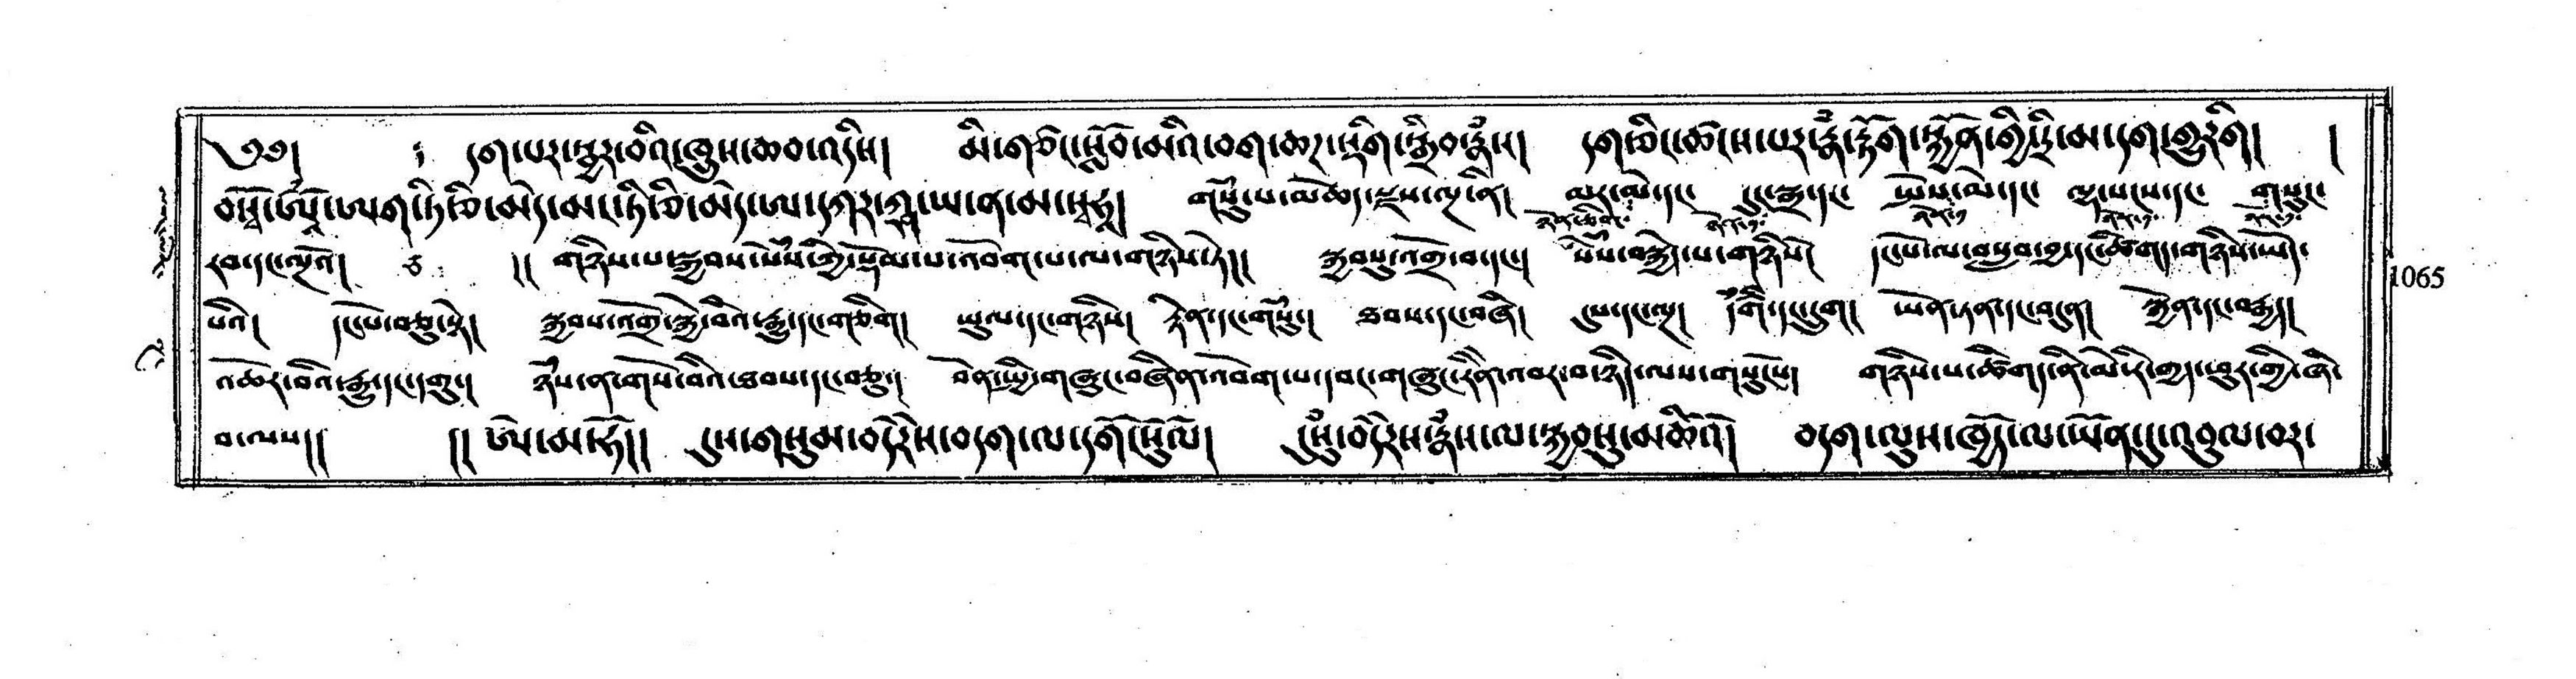དག་པར་སྦྱར་བའི་ཁྲུས་ཆབ་འདིས། མི་གཙང་སློབ་མའི་བག་ཆགས་སྡིག་སྒྲིབ་རྣམས། དག་ཅིང་ཚངས་པར་རྣམ་རྟོག་སྐྱོན་གྱི་དྲི་མ་དག་གྱུར་ཅིག 
བསྭོ་ཨཱོཾ་ཨག་ཏི་ཅི་མེད་མང་ཏི་ཅི་མེད་ཨ་དཀར་ཀྴ་ཡ་ན་མ་སྭཧཱ། གསུམ་པ་མཆོད་རྫས་ལྔ་ནི། མར་མེ་ཉོན་ཅིག དང་དུད་སྒྲ་ཉོན་ཅིག དང་སྤོས་མེ་ཉོན་ཅིག དང་ལྷ་སངས་ཉོན་ཅིག དང་གསུང་ཉོན་ཅིག། 
རབ་དང་ལྔའོ། གཉིས་པ་སྐྱབས་སེམས་ཀྱི་སྡོམ་པ་འབོག་པ་ལ་གཉིས་ཏེ།། སྐྱབས་སུ་འགྲོ་བ་དང་། སེམས་བསྐྱེད་པ་གཉིས་སོ། དང་པོ་ལ་བསླབ་བྱ་དང་ཚིག་བཤད་གཉིས་ཡོད་
པའི། དང་པོ་བཅུ་སྟེ། སྐྱབས་འགྲོ་སྐྱེ་བའི་རྒྱུ་དང་གཅིག ཡུལ་དང་གཉིས། རྟེན་དང་གསུམ། ཐབས་དང་བཞི། དུས་དང་ལྔ། དམ་ཚིག་དང་དྲུག ཡོན་ཏན་དང་བདུན། སྐྱོན་དང་བརྒྱད། 
འཆོར་བའི་རྒྱུ་དང་དགུ། ཉམས་ན་གསོ་བའི་ཐབས་དང་བཅུ། བོན་སྤྱི་གཞུང་བཞིན་འབོག་པ་དབང་གཞུང་རིན་ཆེན་འབར་བ་ཉིད་ལས་གསུངས་སོ། གཉིས་པ་ཚིག་བཤད་ནི་མེ་རི་གྱད་ཕུར་གྱི་ཞི་
བ་ལས། །།ཨེ་མ་ཧོ།། དུས་གསུམ་བདེར་གཤེགས་བདག་ལ་དགོངས་སུ་གསོལ། དུས་གསུམ་བདེར་གཤེགས་རྣམས་ལ་སྐྱབས་སུ་མཆིའོ། བདག་ལུས་ཁྱོད་ལ་ཡོན་དུ་འབུལ་བར་